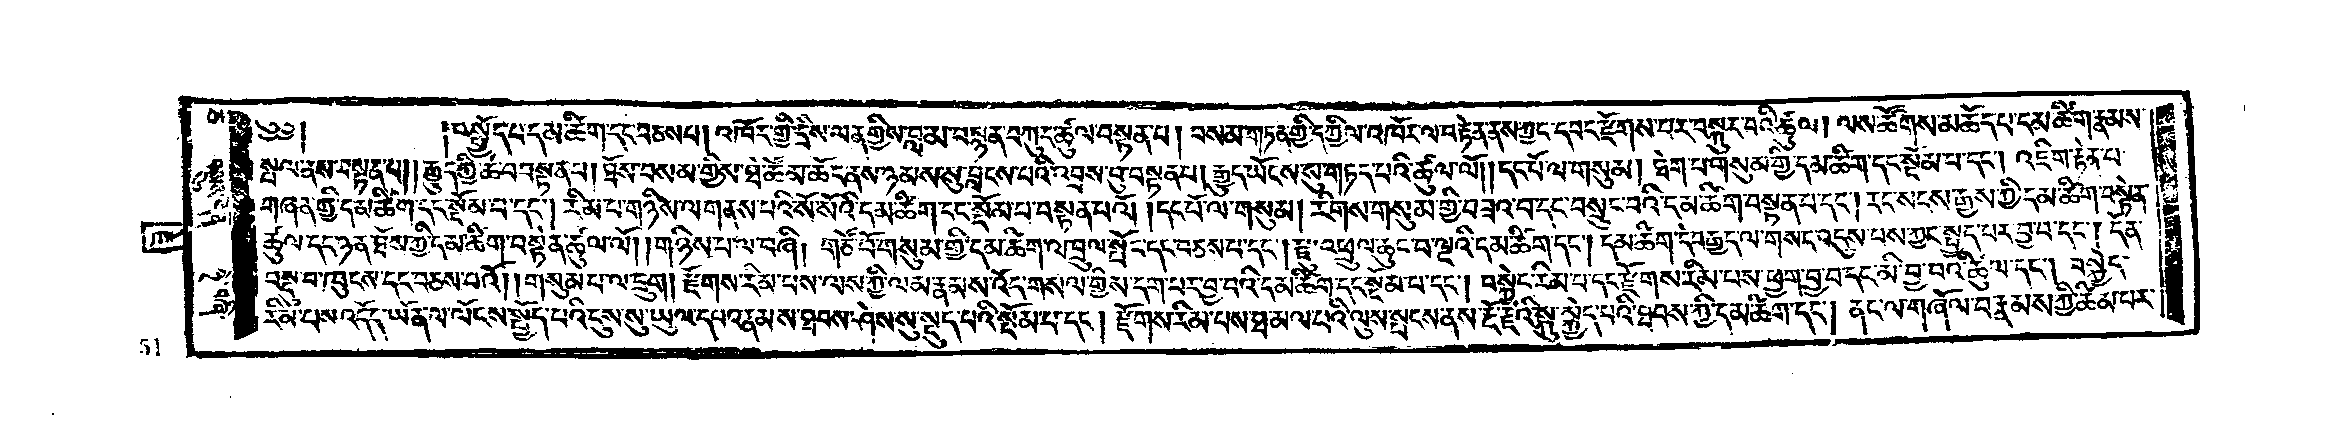༄༅། །པ་སྤྱོད་པ་དམ་ཚིག་དང་བཅས་པ། འཁོར་གྱི་དྲིས་ལན་གྱིས་བླ་མ་བསྙན་བཀུར་ཚུལ་བསྟན་པ། བསམ་གཏན་གྱི་དཀྱིལ་འཁོར་ལ་བརྟེན་ནས་ཀྱང་དབང་རྫོགས་པར་བསྐུར་བའི་ཚུལ། ལས་ཚོགས་མཆོད་པ་དམ་ཚིག་རྣམས་
སྤེལ་ནས་བསྟན་པ། །རྒྱུད་ཀྱི་ཆེ་བ་བསྟན་པ། ཐོས་བསམ་གྱིས་ཐེ་ཚོམ་ཆོད་ནས་ཉམས་སུ་བླངས་པའི་འབྲས་བུ་བསྟན་པ། རྒྱུད་ཡོངས་སུ་གཏད་པའི་ཚུལ་ལོ། །དང་པོ་ལ་གསུམ། ཐེག་པ་གསུམ་གྱི་དམ་ཚིག་དང་སྡོམ་པ་དང་། འཇིག་རྟེན་པ་
གཞན་གྱི་དམ་ཚིག་དང་སྡོམ་པ་དང་། རིམ་པ་གཉིས་ལ་གནས་པའི་སོ་སོའི་དམ་ཚིག་དང་སྡོམ་པ་བསྟན་པའོ། །དང་པོ་ལ་གསུམ། རིགས་གསུམ་གྱི་བཟའ་བ་དང་བསྲུང་བའི་དམ་ཚིག་བསྟན་པ་དང་། རང་སངས་རྒྱས་ཀྱི་དམ་ཚིག་བསྟེན་
ཚུལ་དང་ཉན་ཐོས་ཀྱི་དམ་ཚིག་བསྟེན་ཚུལ་ལོ། །གཉིས་པ་ལ་བཞི། གཙོ་བོ་གསུམ་གྱི་དམ་ཚིག་འཁྲུལ་སྤོང་དང་བཅས་པ་དང་། རྫུ་འཕྲུལ་ཆུང་བ་ལྔའི་དམ་ཚིག་དང་། དམ་ཚིག་དེ་བརྒྱད་ལ་གསང་འདུས་པས་ཀྱང་སྤྱད་པར་བྱ་བ་དང་། དོན་
བསྡུ་བ་ཁུངས་དང་བཅས་པའོ། །གསུམ་པ་ལ་དྲུག །རྫོགས་རིམ་པས་ལས་ཀྱི་ལམ་རྣམས་འོད་གསལ་གྱིས་དག་པར་བྱ་བའི་དམ་ཚིག་དང་སྡོམ་པ་དང་། བསྐྱེད་རིམ་པ་དང་རྫོགས་རིམ་པས་ཕྱག་བྱ་བ་དང་མི་བྱ་བའི་ཚུལ་དང་། བསྐྱེད་
རིམ་པས་འདོད་ཡོན་ལ་ལོངས་སྤྱོད་པའི་དུས་སུ་ཡུལ་དབང་རྣམས་ཐབས་ཤེས་སུ་སྡུད་པའི་སྡོམ་པ་དང་། རྫོགས་རིམ་པས་ཐ་མལ་པའི་ལུས་སྤངས་ནས་རྡོ་རྗེའི་སྐུ་སྐྱེད་པའི་ཐབས་ཀྱི་དམ་ཚིག་དང་། ནང་ལ་གཞོལ་བ་རྣམས་ཀྱི་ཚིམ་པར་